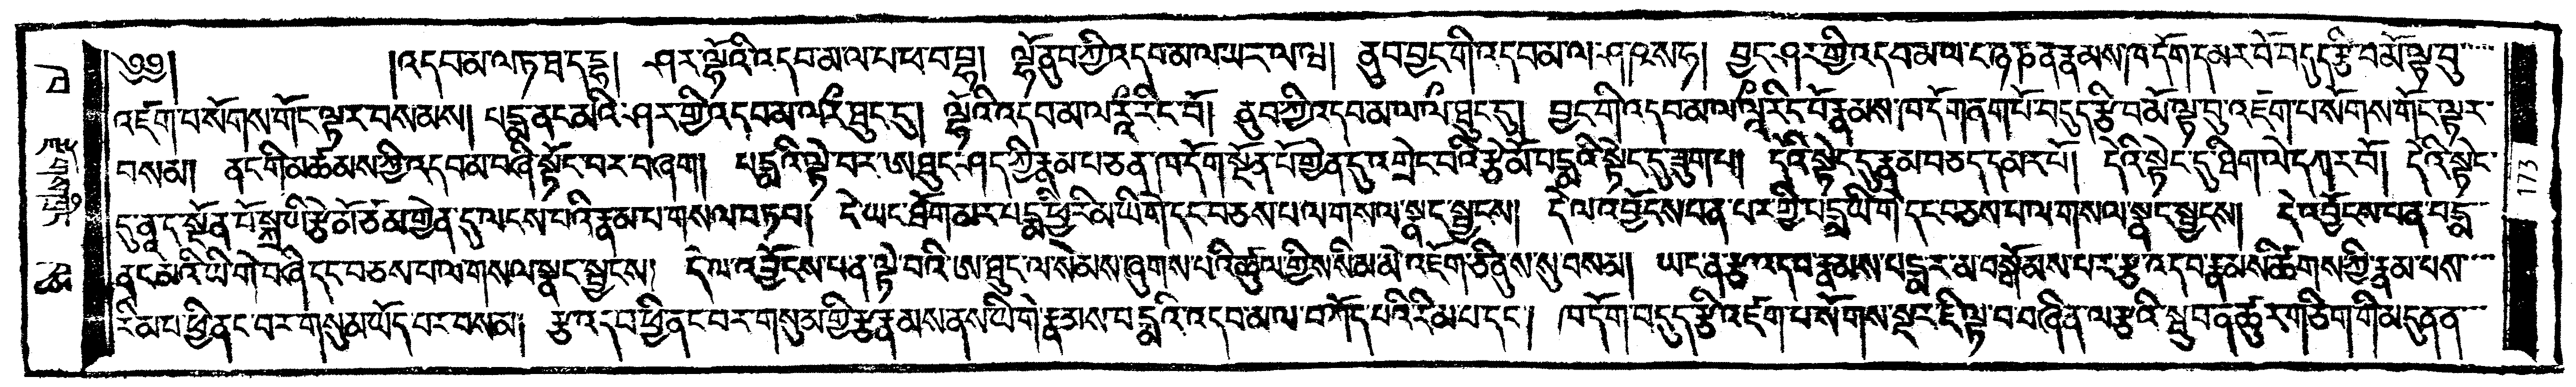༄༅། །འདབ་མ་ལ་ཏ་ཐ་ད་དྷ། ཤར་ལྷོའི་འདབ་མ་ལ་པ་ཕ་བ་བྷ། ལྷོ་ནུབ་ཀྱི་འདབ་མ་ལ་ཡ་ར་ལ་ཝ། ནུབ་བྱང་གི་འདབ་མ་ལ་ཤ་ཥ་ས་ཧ། བྱང་ཤར་གྱི་འདབ་མ་ལ་ང་ཉ་ཎ་ན་རྣམས་ཁ་དོག་དམར་པོ་བདུད་རྩི་བ་མོ་ལྟ་བུ་
འཛག་པ་སོགས་གོང་ལྟར་བསམས། པདམ་ནང་མའི་ཤར་གྱི་འདབ་མ་ལྀར་ཐུང་ངུ། ལྷོའི་འདབ་མ་ལ་རཱྀ་རིང་པོ། ནུབ་ཀྱི་འདབ་མ་ལ་ལྀ་ཐུང་ངུ། བྱང་གི་འདབ་མ་ལ་ལཱྀ་རིང་པོ་རྣམས་ཁ་དོག་ནག་པོ་བདུད་རྩི་བ་མོ་ལྟ་བུ་འཛག་པ་སོགས་གོང་ལྟར་
བསམ། ནང་གི་མཚམས་ཀྱི་འདབ་མ་བཞི་སྟོང་བར་བཞག། པདམའི་ལྟེ་བར་ཨ་ཐུང་ཤད་ཀྱི་རྣམ་པ་ཅན་ཁ་དོག་སྔོན་པོ་གྱེན་དུ་འགྲེང་བའི་རྩེ་མོ་པདམའི་སྟེང་དུ་ཟུག་པ། དེའི་སྟེང་དུ་རྣམ་བཅད་དམར་པོ། དེའི་སྟེང་དུ་ཐིག་ལེ་དཀར་པོ། དེའི་སྟེང་
དུ་ནཱ་ད་སྔོན་པོ་སྐྲ་ཡི་རྩེ་མོ་ཙམ་གྱེན་དུ་ལངས་པའི་རྣམ་པ་གསལ་བཏབ། དེ་ཡང་ཐོག་མར་པདམ་ཕྱི་རིམ་ཡི་གེ་དང་བཅས་པ་ལ་གསལ་སྣང་སྦྱངས། དེ་ལ་འབྱོངས་བ་ན་པར་གྱི་པདམ་ཡི་གེ་དང་བཅས་པ་ལ་གསལ་སྣང་སྦྱངས། དེ་འབྱོངས་པ་ན་པདམ་
ནང་མའི་ཡི་གེ་བཞི་དང་བཅས་པ་ལ་གསལ་སྣང་སྦྱངས། དེ་ལ་འབྱོངས་པ་ན་ལྟེ་བའི་ཨ་ཐུང་ལ་སེམས་ཞུགས་པའི་ཚུལ་གྱིས་སིམ་མེ་འཇོག་ཅི་ནུས་སུ་བསམ། ཡང་ན་རྩ་འདབ་རྣམས་པདམར་མ་བསྒོམས་པར་རྩ་འདབ་རྣམས་ཚིགས་ཀྱི་རྣམ་པས་
རིམ་པ་ཕྱི་ནང་བར་གསུམ་ཡོད་པར་བསམ། རྩ་འདབ་ཕྱི་ནང་བར་གསུམ་གྱི་རྩ་རྣམས་ནས་ཡི་གེ་རྣམས་པདམའི་འདབ་མ་ལ་བཀོད་པའི་རིམ་པ་དང་། ཁ་དོག་བདུད་རྩི་འཛག་པ་སོགས་སྔར་ཇི་ལྟ་བ་བཞིན་ལ་རྩའི་སྤུ་བ་ན་ཚུར་གཅིག་གི་མདུན་ན་